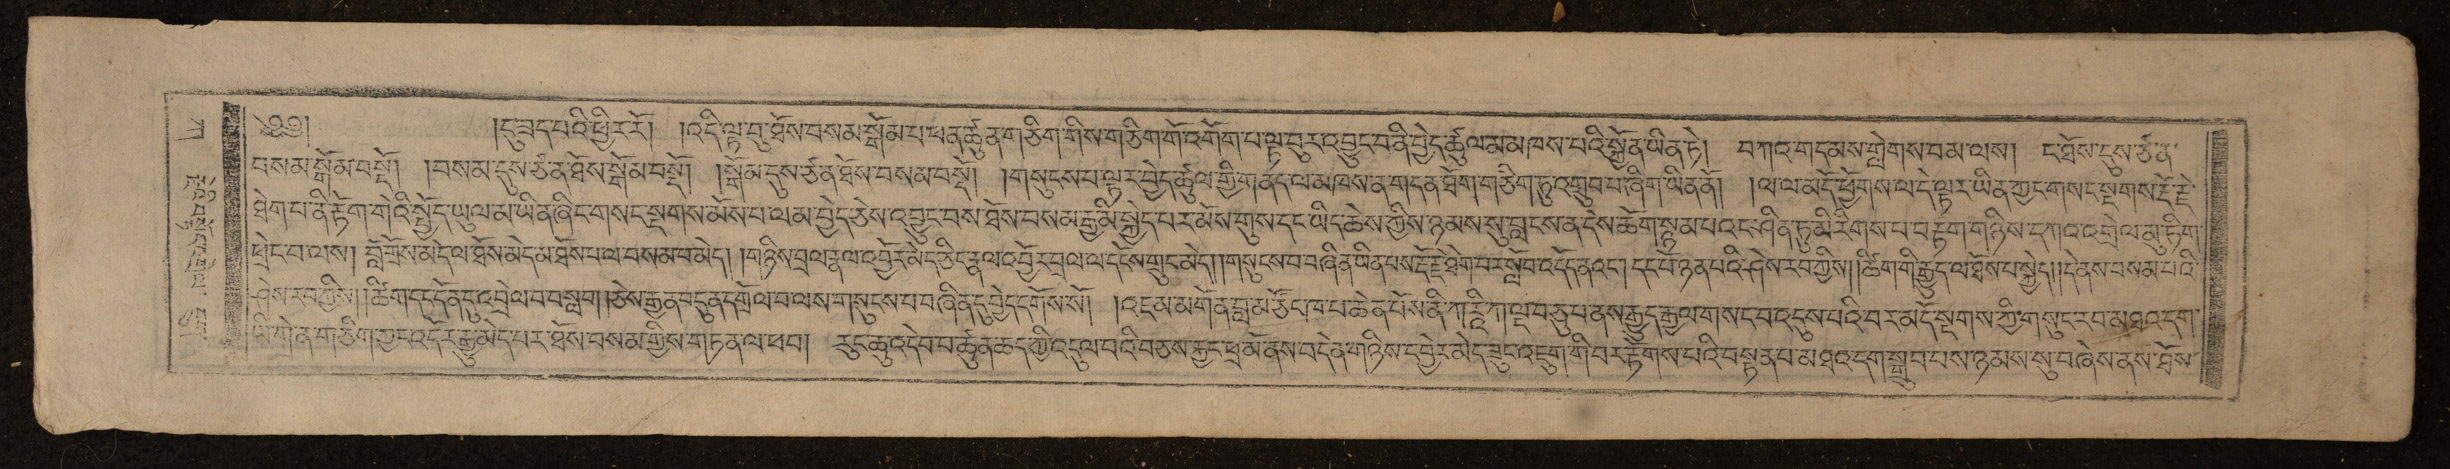༄༅། །དུ་ཟད་པའི་ཕྱིར་རོ། །འདི་ལྟ་བུ་ཐོས་བསམ་སྒོམ་པ་ཕན་ཚུན་གཅིག་གིས་གཅིག་གོ་འགོག་པ་ལྟ་བུར་འབྱུང་བ་ནི་བྱེད་ཚུལ་མ་མཁས་པའི་སྐྱོན་ཡིན་ཏེ། བཀའ་གདམས་གླེགས་བམ་ལས། །ང་ཐོས་དུས་ཙན་
བསམ་སྒོམ་བ་སྡོ། །བསམ་དུས་ཙན་ཐོས་སྒོམ་བསྔོ། །སྒོམ་དུས་ཙན་ཐོས་བསམ་བསྔོ། །གསུངས་པ་ལྟར་བྱེད་ཚུལ་གྱི་གནད་ལ་མཁས་ན་གདན་ཐོག་གཅིག་ཏུ་འགྲུབ་པ་ཞིག་ཡིན་ནོ། །ལ་ལ་མདོ་ཕྱོགས་ལ་དེ་ལྟར་ཡིན་ཀྱང་གསང་སྔགས་རྡོ་རྗེ་
ཐེག་པ་ནི་རྟོག་གེའི་སྤྱོད་ཡུལ་མ་ཡིན་ཞིང་གསང་སྔགས་མོས་པ་ལམ་བྱེད་ཅེས་འབྱུང་བས་ཐོས་བསམ་རྒྱ་མི་སྐྱེད་པར་མོས་གུས་དང་ཡིད་ཆེས་ཀྱིས་ཉམས་སུ་བླངས་ན་དེས་ཆོ་ག་སྙམ་བའང་ཤིན་ཏུ་མི་རིགས་པ་བརྟག་གཉིས་དཀའ་འགྲེལ་མུ་ཏིག་
ཕྲེང་བ་ལས། བློ་གྲོས་མེད་ལ་ཐོས་མེད་མ་ཐོས་པ་ལ་བསམ་བ་མེད། །གཉིས་བྲལ་རྣལ་འབྱོར་མེད་ཅིང་རྣལ་འབྱོར་བྲལ་ལ་དངོས་གྲུབ་མེད། །གསུངས་པ་བཞིན་ཡིན་པས་རྡོ་རྗེ་ཐེག་པར་སློབ་འདོད་ནའང་། དང་པོ་ཉན་པའི་ཤེས་རབ་ཀྱིས། །ཚིག་གི་རྒྱུད་ལ་ཐོས་བསྐྱེད། །དེ་ནས་བསམ་པའི་
ཤེས་རབ་ཀྱིས། །ཚིག་དང་དོན་དུ་འབྲེལ་བ་བསླབ། །ཅེས་རྒྱན་བདུན་དགྲོལ་བ་ལས་གསུངས་པ་བཞིན་དུ་བྱེད་དགོས་སོ། །འཇམ་མགོན་བླ་མ་ཙོང་ཁ་པ་ཆེན་པོས་ནི་ཀ་རཱི་ཀ་ལྔ་བཅུ་བ་ནས་རྒད་རྒྱལ་གསང་བ་འདུས་པའི་བར་མདོ་སྔགས་ཀྱི་གསུང་རབ་མཐའ་དག་
ཡི་གེ་ན་གཅིག་ཀྱང་འདོར་རྒྱུ་མེད་པར་ཐོས་བསམ་གྱིས་གཏན་ལ་ཕབ། རུང་ཆུ་འདེབ་བ་ཚུན་ཆད་ཀྱི་འདུལ་བའི་བཅས་རྐྱང་ཕྲ་མོ་ནས་བདེན་གཉིས་དབྱེར་མེད་ཟུང་འཇུག་གི་བྲ་རྟགས་པའི་བསྟན་པ་མཐའ་དག་སྒྲུབ་ལས་ཉམས་སུ་ཞེས་ནས་ཐོས་